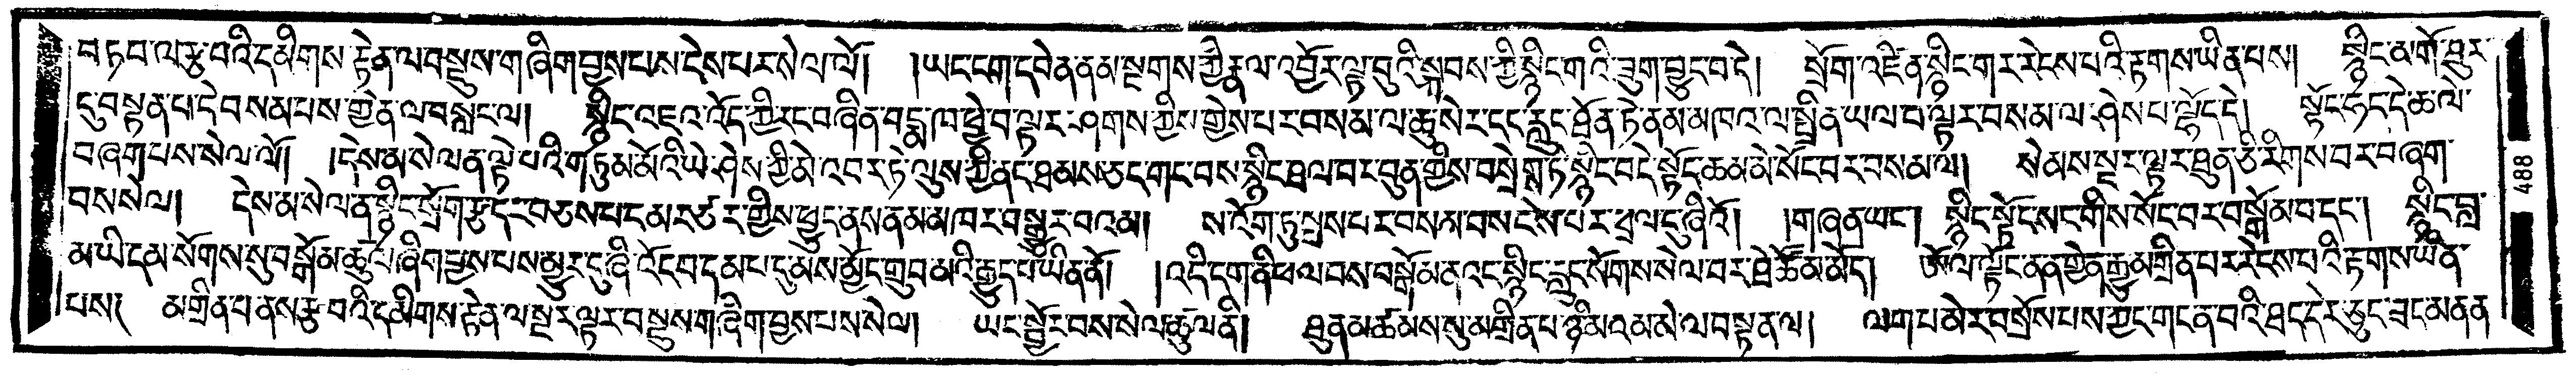བཏབ་ལ་རྩ་བའི་དམིགས་རྟེན་ལ་བསྡུས་གཞིག་བྱས་པས་ངེས་པར་སེལ་ལོ། །ཡང་དག་དབེན་ནམ་སྔགས་ཀྱི་རྣལ་འབྱོར་ལྟ་བུའི་སྐབས་ཀྱི་སྙིང་གའི་ཟུབ་བྱུང་བདེ། སྲོག་འཛིན་སྙིང་གར་རེངས་པའི་རྟགས་ཡིན་བས། སྙིང་མགོ་ཐུར་
དུ་བསྟན་པ་དེ་བསམ་པས་གྱེན་ལ་བསླང་ལ། སྙིང་འཇའ་འོད་ཀྱི་རང་བཞིན་པདམ་ཁ་ཕྱེ་བ་ལྟར་ཤགས་ཀྱིས་གྱེས་པར་བསམ་ལ་ཆུ་སེར་དང་རླུང་ཐོན་ཏེ་ནམ་མཁའ་ལ་སྤྲིན་ཡལ་བ་ལྟར་བསམ་ལ་ཤེས་པ་ལྷོད་དེ། སྟོང་ཧད་དེ་ཆ་ལེ་
བཞག་པས་སེལ་ལོ། །དེས་མ་སེལ་ན་ལྟེ་པའི་གཏུམ་མོའི་ཡེ་ཤེས་ཀྱི་མེ་འབར་ཏེ་ལུས་ཀྱི་ནང་ཐམས་ཅད་གང་བས་སྙིང་ཐལ་བར་བུན་གྱིས་བསྲེགས་ཏེ་སྙིང་བདེ་སྟོང་ཆམ་མེ་སོང་བར་བསམ་ལ། སེམས་སྔར་ལྟར་ཐུན་ཅི་རིགས་བར་བཞག་
བས་སེལ། དེས་མ་སེལ་ན་སྙིང་སྲོག་རྩ་དང་བཅས་པ་དམར་ཙར་གྱིས་ཕྱུང་ནས་ནམ་མཁར་བསྒྱུར་བའམ། ས་འོག་ཏུ་སྤས་པར་བསམ་པས་ངེས་པར་ཕྲལ་དུ་ཞིའོ། །གཞན་ཡང་། སྙིང་སྟོང་སང་གིས་སོང་བར་བསྒོམ་བ་དང་། སྙིང་བླ་
མ་ཡི་དམ་སོགས་སུ་བསྒོམ་ཚུལ་ཞིག་བྱས་པས་མྱུར་དུ་ཞི་འོང་བ་དམ་པ་དུ་མས་མྱོང་གྲུབ་མའི་རྒྱུད་པ་ཡིན་ནོ། །འདི་དག་ནི་ཕལ་བས་བསྒོམ་ནའང་སྙིང་རླུང་སོགས་སེལ་བར་ཐེ་ཚོམ་མོད། ཨོ་ལ་ལྟོང་ནན་གྱེན་རྒྱུ་མགྲིན་པར་རེངས་པའི་རྟགས་ཡིན་
པས༑ མགྲིན་པ་ནས་རྩ་བའི་དམིགས་རྟེན་ལ་སྔར་ལྟར་བསྡུས་གཞིག་བྱས་པས་སེལ། ཡང་སྦྱོར་བས་སེལ་ཚུལ་ནི། ཐུན་མཚམས་སུ་མགྲིན་པ་ཉི་མའམ་མེ་ལ་བསྟན་ལ། ལག་པ་མེར་བསྲེས་པས་ཀྱང་གང་ན་བའི་ཐད་དེར་ཅུང་ཟད་མནན་